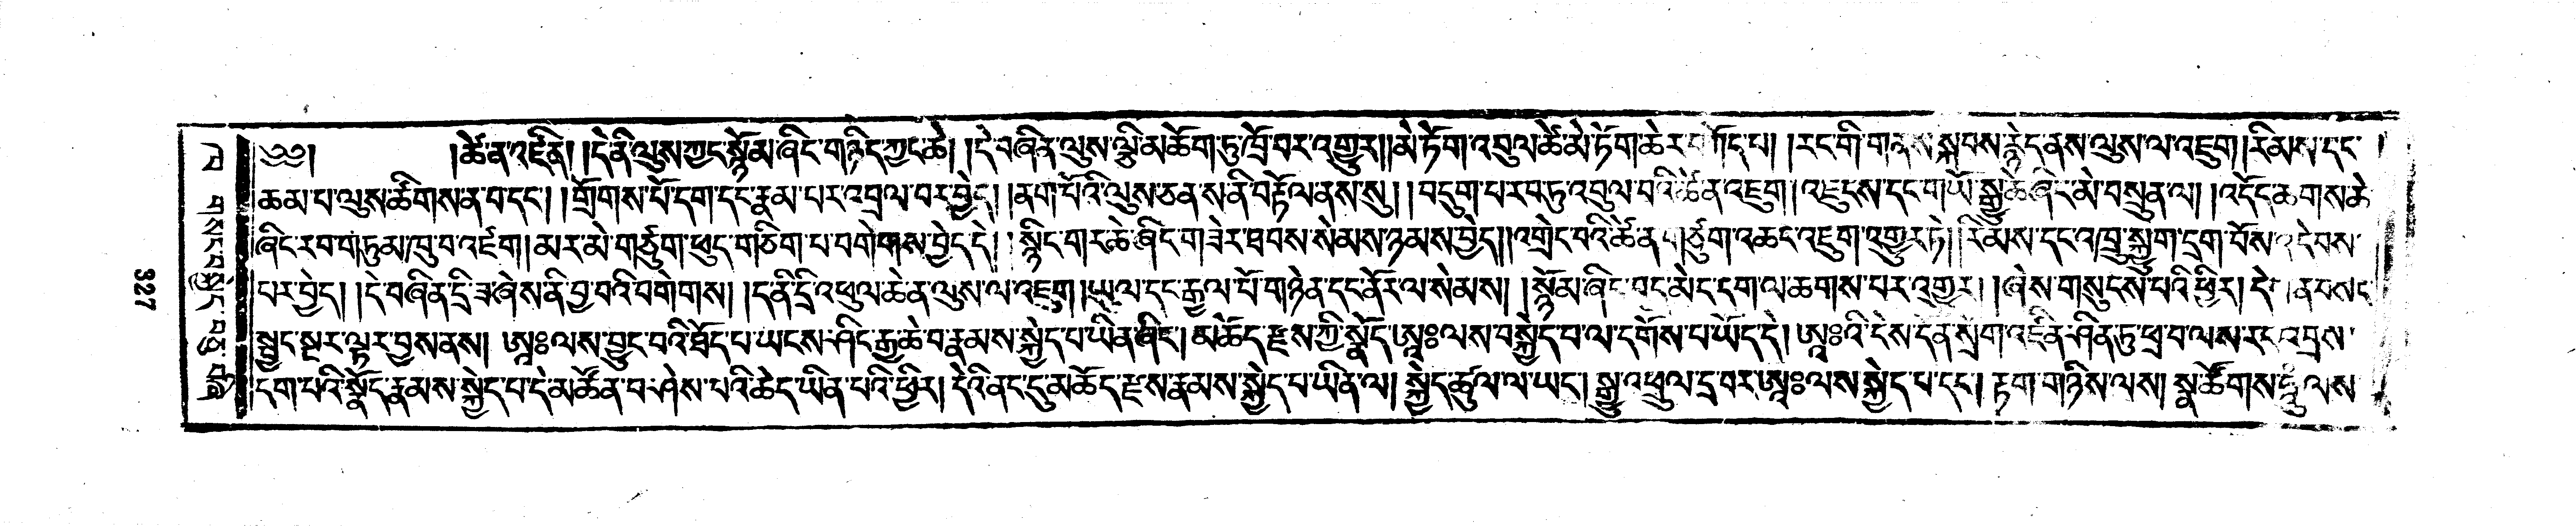༄༅། །ཚེ་ན་འཛིན། །དེ་ནི་ལུས་ཀྱང་སྙོམ་ཞིང་གཉིད་ཀྱང་ཆེ། །དེ་བཞིན་ལུས་ལྕི་མཚོག་ཏུ་ཁྲོ་བར་འགྱུར། །མེ་ཏོག་འབུལ་ཚེ་མེ་ཏོག་ཆེར་བཀོད་པ། །རང་གི་གནས་སྐབས་རྙེད་ནས་ལུས་ལ་འཇུག །རིམས་དང་
ཆམ་པ་ལུས་ཚིགས་ན་བ་དང་། །གྲོགས་པོ་དག་དང་རྣམ་པར་འབྲལ་བར་བྱེད། །ནག་པོའི་ལུས་ཅན་ས་ནི་བརྟོལ་ནས་སུ། །བདུག་པ་རབ་ཏུ་འབུལ་པའི་ཚེ་ན་འཇུག །འཇུངས་དང་གཡོ་སྒྱུ་ཆེ་ཞིང་མེ་བསྲུན་ལ། །འདོད་ཆགས་ཆེ་
ཞིང་རབ་གཏུམ་ཁུ་བ་འཛག །མར་མེ་གཙུག་ཕུད་གཅིག་པ་བགེགས་བྱེད་དེ། །སྙིང་གར་ཆེ་ཞིང་གཟེར་ཐབས་སེམས་ཉམས་བྱེད། །འགྲེང་བའི་ཚེ་ན་གཙུག་འཆང་འཇུག་འགྱུར་ཏེ། །རིམས་དང་འཁྲུ་སྐྱུག་དྲག་པོས་འདེབས་
པར་བྱེད། །དེ་བཞིན་དྲི་ཟ་ཞེས་ནི་བྱ་བའི་བགེགས། །ད་ནི་དྲི་འཕུལ་ཆེ་ན་ལུས་ལ་འཇུག །ཡུལ་དང་རྒྱལ་པོ་གཉེན་དང་ནོར་ལ་སེམས། །སྙོམ་ཞིང་བུད་མེད་དག་ལ་ཆགས་པར་འགྱུར། །ཞེས་གསུངས་པའི་ཕྱིར། དེས་ན་བསང་
སྦྱང་སྔར་ལྟར་བྱས་ནས། ཨཱཿ ལས་བྱུང་བའི་ཐོད་པ་ཡངས་ཤིང་རྒྱ་ཆེ་བ་རྣམས་སྐྱེད་པ་ཡིན་ཞིང་། མཆོད་རྫས་ཀྱི་སྣོད་ཨཱཿ ལས་བསྐྱེད་པ་ལ་དགོས་པ་ཡོད་དེ། ཨཱཿ འི་ངེས་དོན་སྲོག་འཛིན་ཤིན་ཏུ་ཕྲ་བ་ལས་རང་འབྲས་
དག་པའི་སྣོད་རྣམས་སྐྱེད་པ་དེ་མཚོན་བ་ཤེས་པའི་ཆེད་ཡིན་པའི་ཕྱིར། དེའི་ནང་དུ་མཆོད་རྫས་རྣམས་སྐྱེད་པ་ཡིན་ལ། སྐྱེད་ཚུལ་ལ་ཡང་། སྒྱུ་འཕྲུལ་དྲ་བར་ཨཱཿ ལས་སྐྱེད་པ་དང་། རྟག་གཉིས་ལས། སྣ་ཚོགས་ཧཱུཾ་ལས་